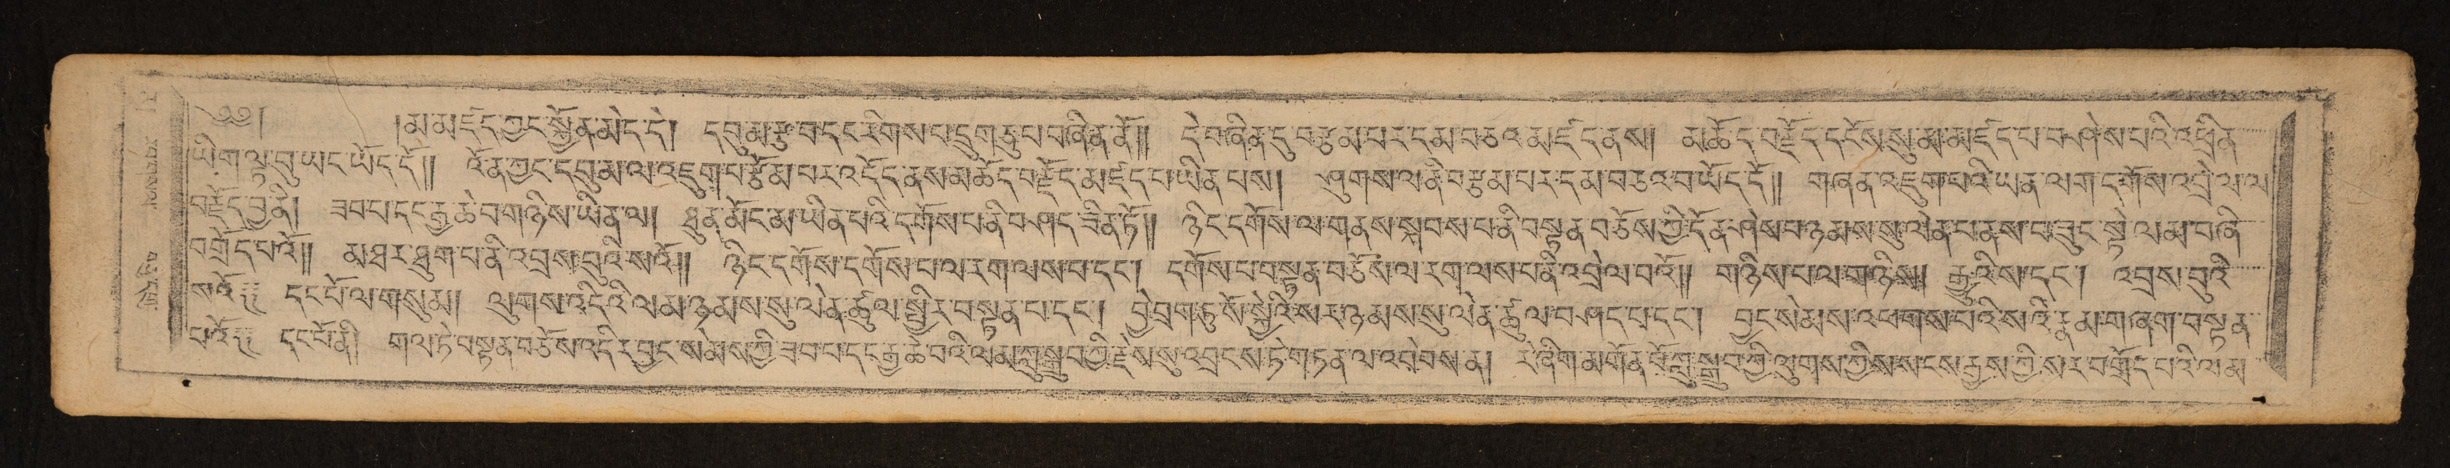༄༅། །མ་མཛད་ཀྱང་སྐྱོན་མེད་དེ། དབུ་མ་རྩ་བ་དང་རིགས་པ་དྲུག་ཅུ་པ་བཞིན་ནོ།། དེ་བཞིན་དུ་བརྩམ་པར་དམ་བཅའ་མཛད་ནས། མཆོད་བརྗོད་དངོས་སུ་མ་མཛད་པ་བཤེས་པའི་འཕྲིན་
ཡིག་ལྟ་བུ་ཡང་ཡོད་དོ།། འོན་ཀྱང་དབུ་མ་ལ་འཇུག་པ་རྩོམ་པར་འདོད་ནས་མཆོད་བརྗོད་མཛད་པ་ཡིན་པས། ཤུགས་ལ་ནི་བརྩམ་པར་དམ་བཅའ་བ་ཡོད་དོ།། གཞན་འཇུག་པའི་ཡན་ལག་དགོས་འབྲེལ་ལ་
བརྗོད་བྱ་ནི། ཟབ་པ་དང་རྒྱ་ཆེ་བ་གཉིས་ཡིན་ལ། ཐུན་མོང་མ་ཡིན་པའི་དགོས་པ་ནི་བཤད་ཟིན་ཏོ།། ཉིང་དགོས་ལ་གནས་སྐབས་པ་ནི་བསྟན་བཅོས་ཀྱི་དོན་ཤེས་པ་ཉམས་སུ་ལེན་པ་ནས་བཟུང་སྟེ་ལམ་བཞི་
བགྲོད་པའོ།། མཐར་ཐུག་པ་ནི་འབྲས་བུའི་སའོ།། ཉིང་དགོས་དགོས་པ་ལ་རག་ལས་པ་དང་། དགོས་པ་བསྟན་བཅོས་ལ་རག་ལས་པ་ནི་འབྲེལ་བའོ།། གཉིས་པ་ལ་གཉིས། རྒྱུའི་ས་དང་། འབྲས་བུའི་
སའོ༑༑ དང་པོ་ལ་གསུམ། ལུགས་འདིའི་ལམ་ཉམས་སུ་ལེན་ཚུལ་སྤྱིར་བསྟན་པ་དང་། བྱེ་བྲག་ཏུ་སོ་སྐྱེའི་སར་ཉམས་སུ་ལེན་ཚུལ་བཤད་པ་དང་། བྱང་སེམས་འཕགས་པའི་སའི་རྣམ་གཞག་བསྟན་
པའོ༑༑ དང་པོ་ནི། གལ་ཏེ་བསྟན་བཅོས་འདིར་བྱང་སེམས་ཀྱི་ཟབ་པ་དང་རྒྱ་ཆེ་བའི་ལམ་ཀླུ་སྒྲུབ་ཀྱི་རྗེས་སུ་འབྲངས་ཏེ་གཏན་ལ་འབེབས་ན། རེ་ཞིག་མགོན་པོ་ཀླུ་སྒྲུབ་ཀྱི་ལུགས་ཀྱིས་སངས་རྒྱས་ཀྱི་སར་བགྲོད་པའི་ལམ་